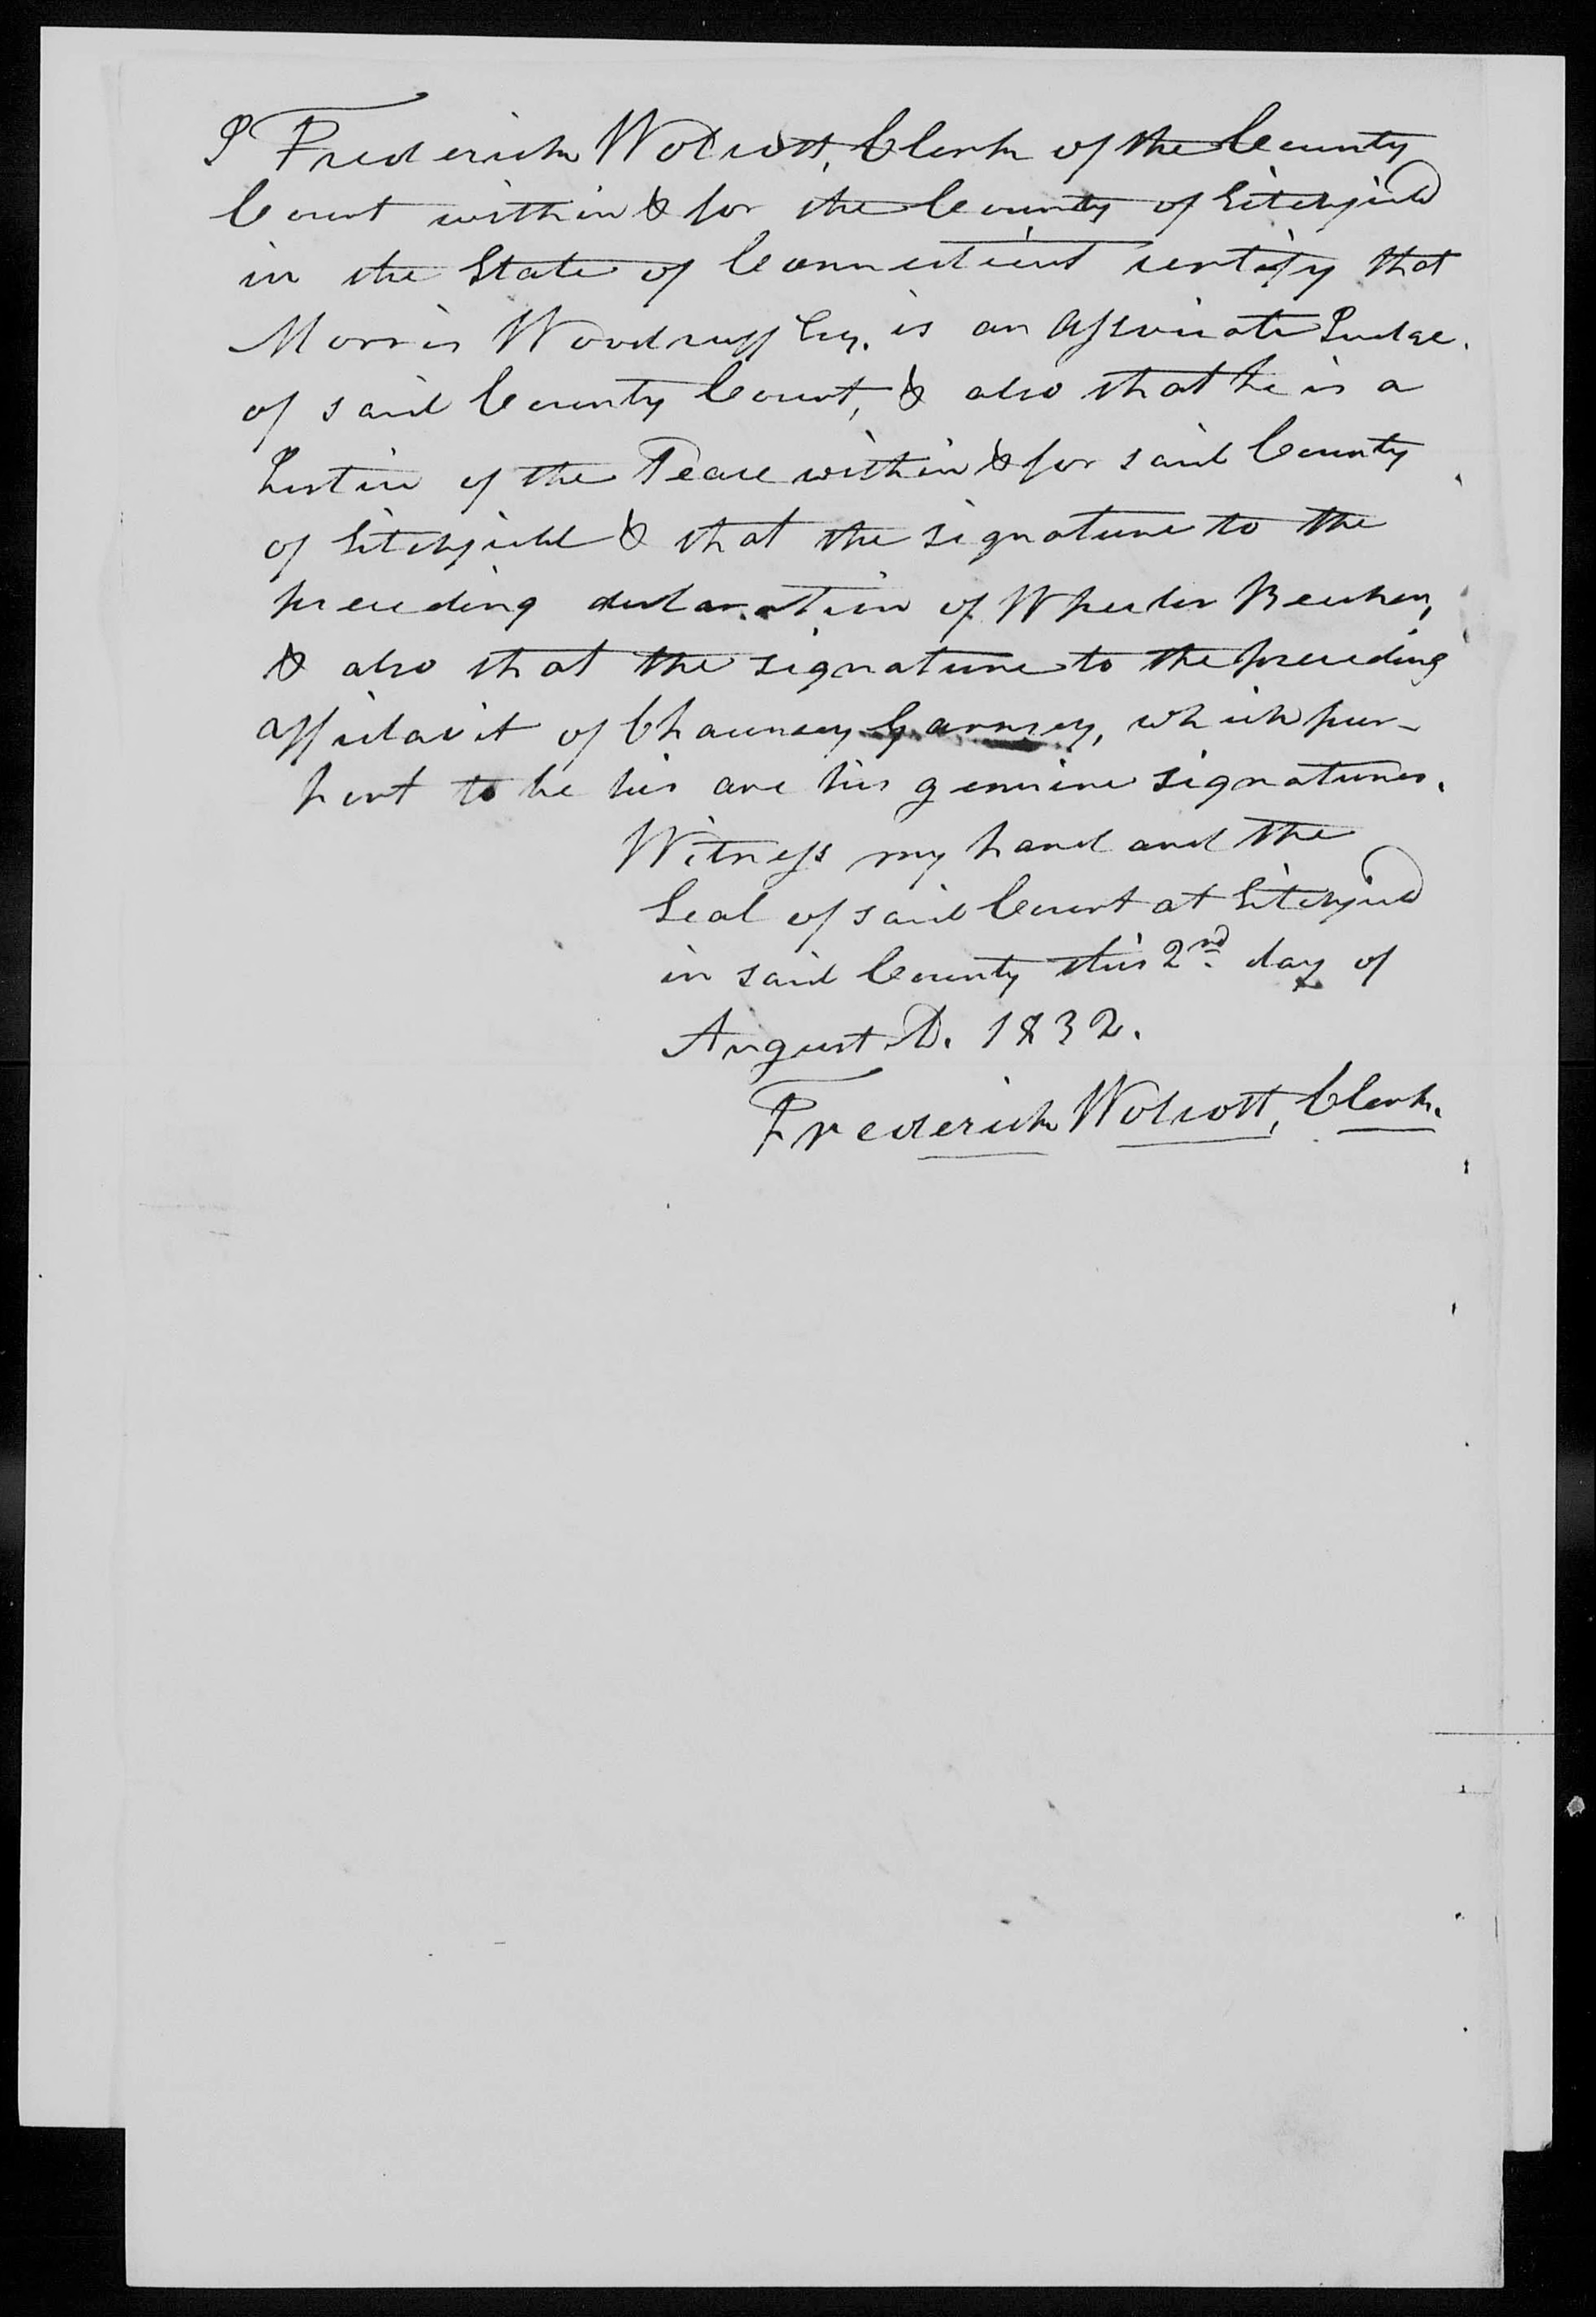I Frederick Wolcott, Clerk of the County Court within & for the County of Litchfield in the State of Connecticut certify that Morris Woodruff Esq. is an Associate Judge of said County Court & also that he is a Justice of the Peace within & for said County of Litchfield & that the signature to the preceding declaration of Wheeler Beecher &  also that the signature to the preceding affidavit of Chauncy Guernsey which purport to be his are his genuine signatures.
Witness my hand and the Seal of said Court at Litchfield in said County this 2nd day of August AD 1832
Frederick Wolcott Clerk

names: Frederick Wolcott, Chauncey Garnsey, Morris Woodruff, Wheeler Beecher, Frederick Wolcott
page: 17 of 21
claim: survivor's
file: S. 14943, Wheeler Beecher, Conn.